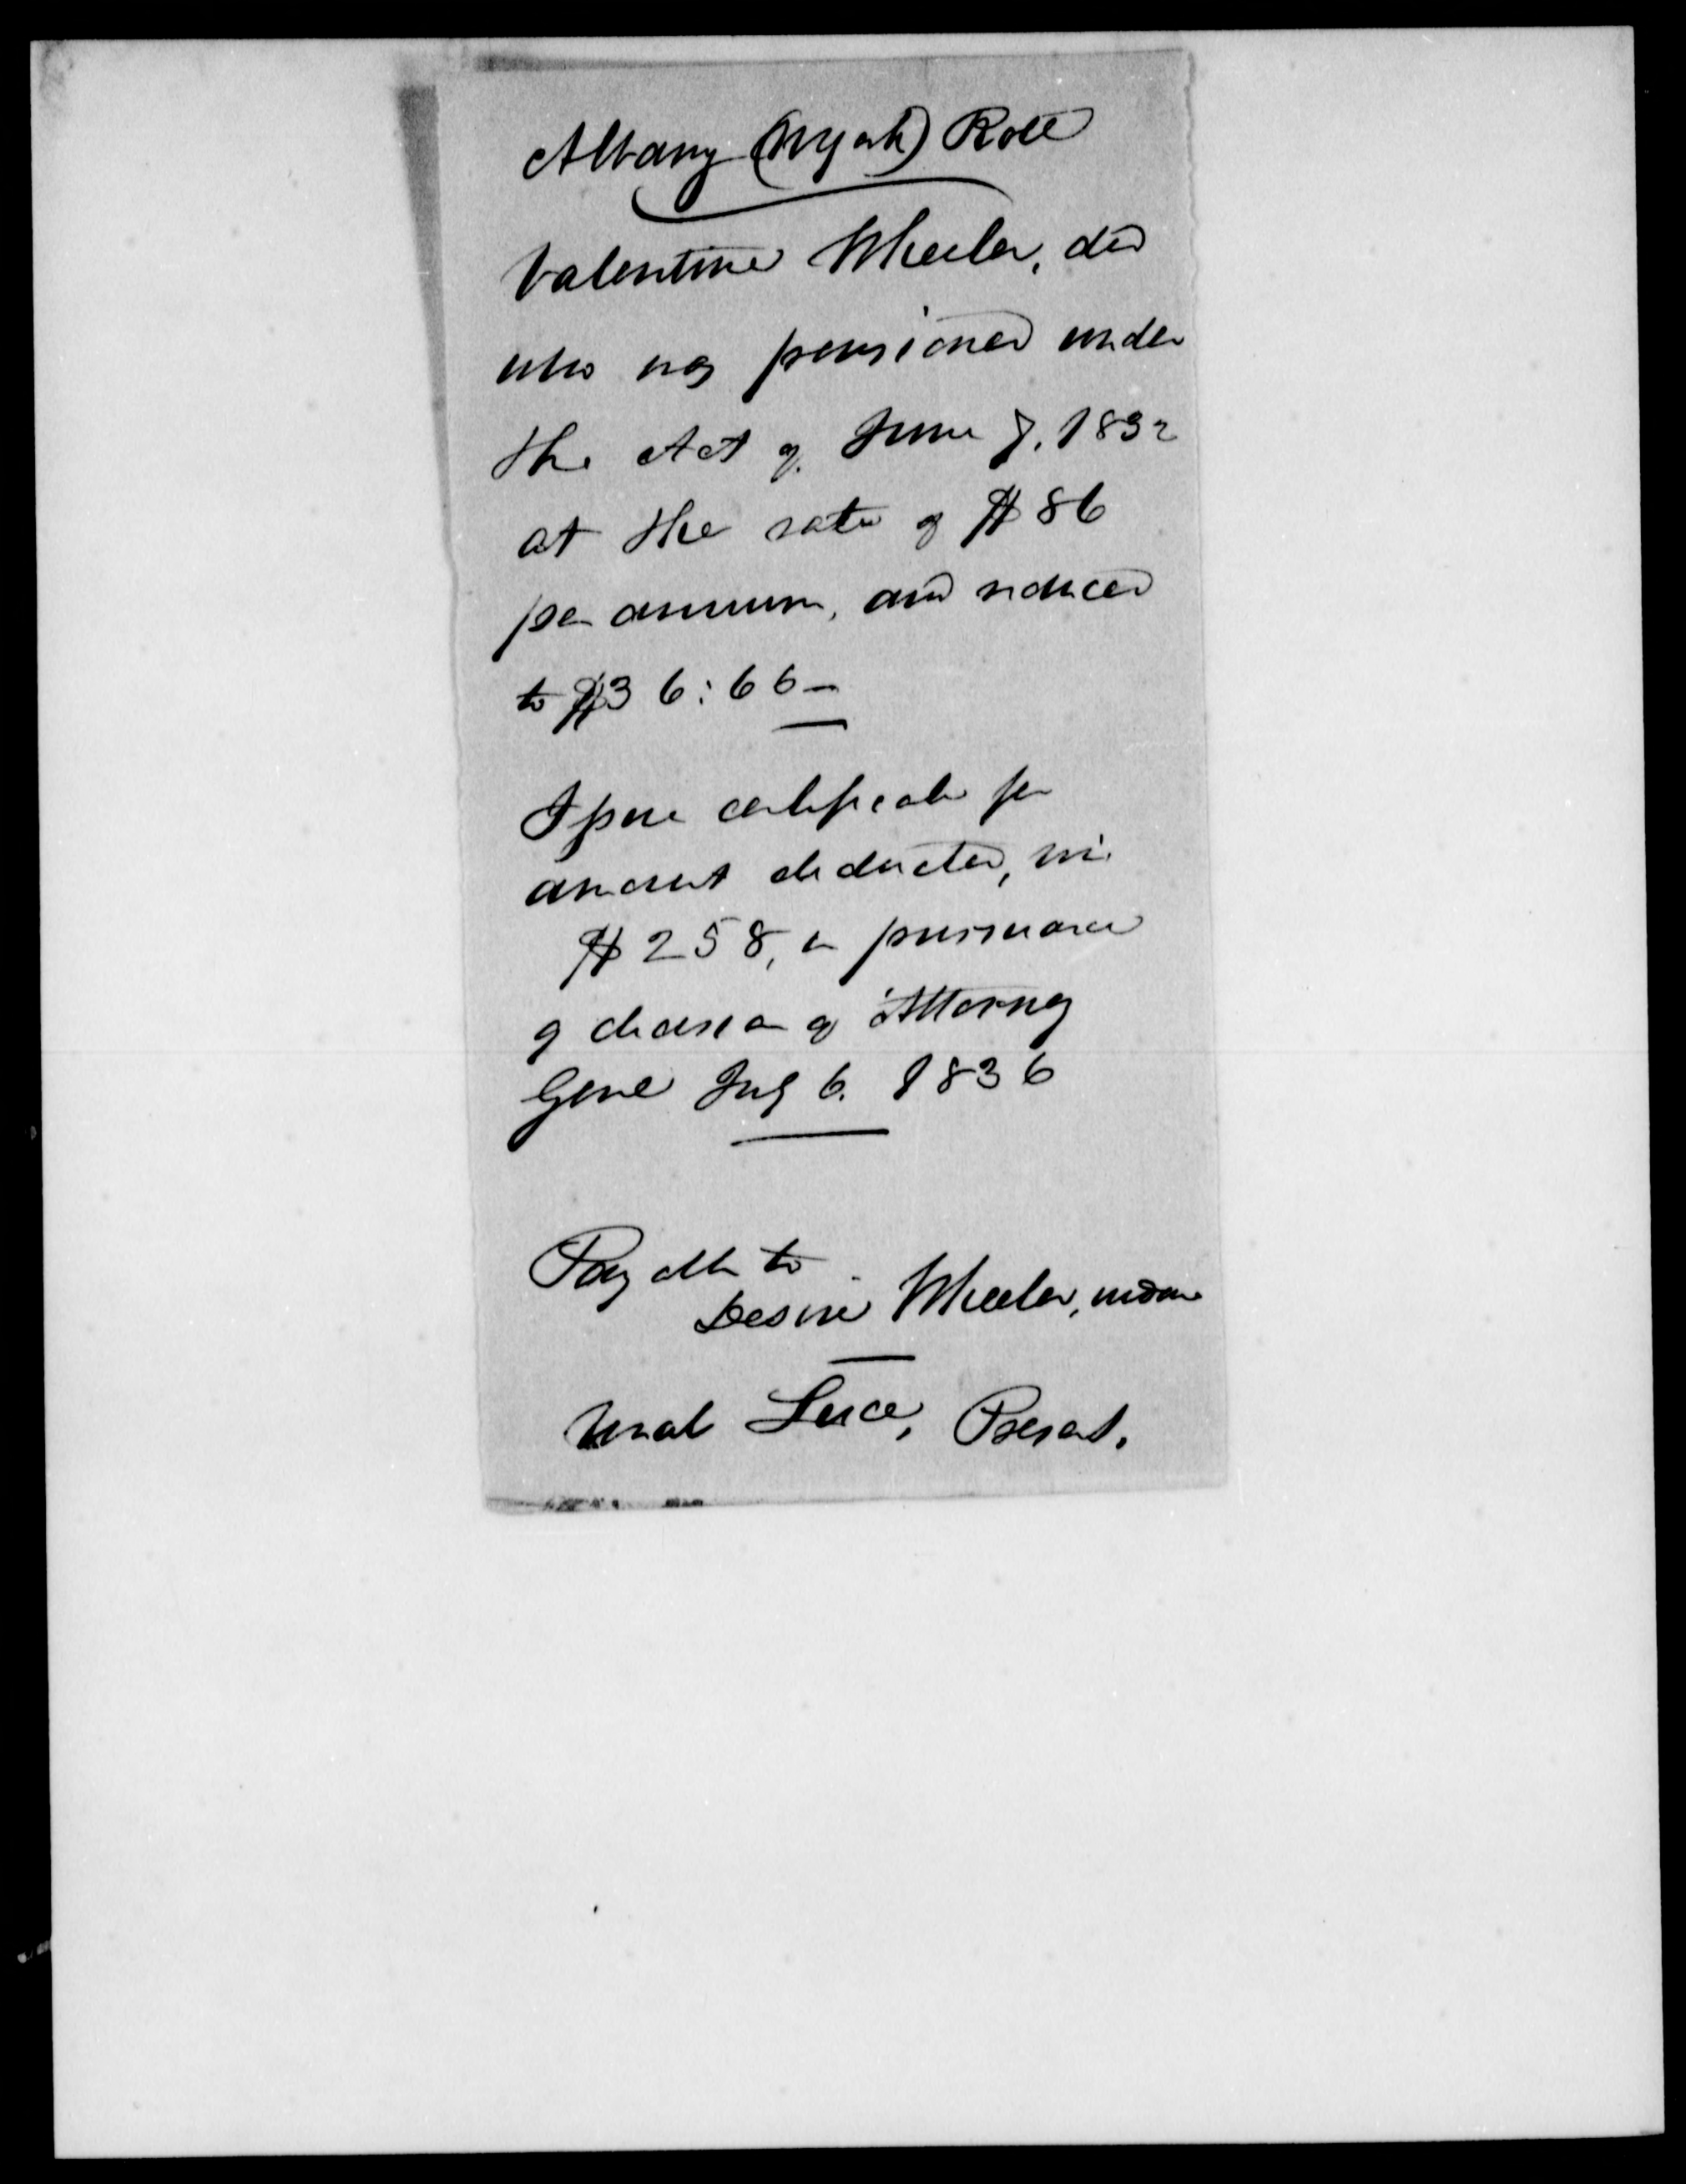Albany (N. York) roll
Valentine Wheeler decd. who was pensioner under the Act of June 7, 1832 at the rate of $86. per annum and (illegible) to$36.66
Issue certificate for amount deduction in $258 in pursuance of (illegible) of Attorney give Jul. 6 1836
Payable to Desire Wheeler widow
Ural Luce, Present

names: Desire Wheeler, Ural Luce, Valentine Wheeler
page: 35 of 98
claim: widow's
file: W. 1682, Valentine Wheeler, Mass.